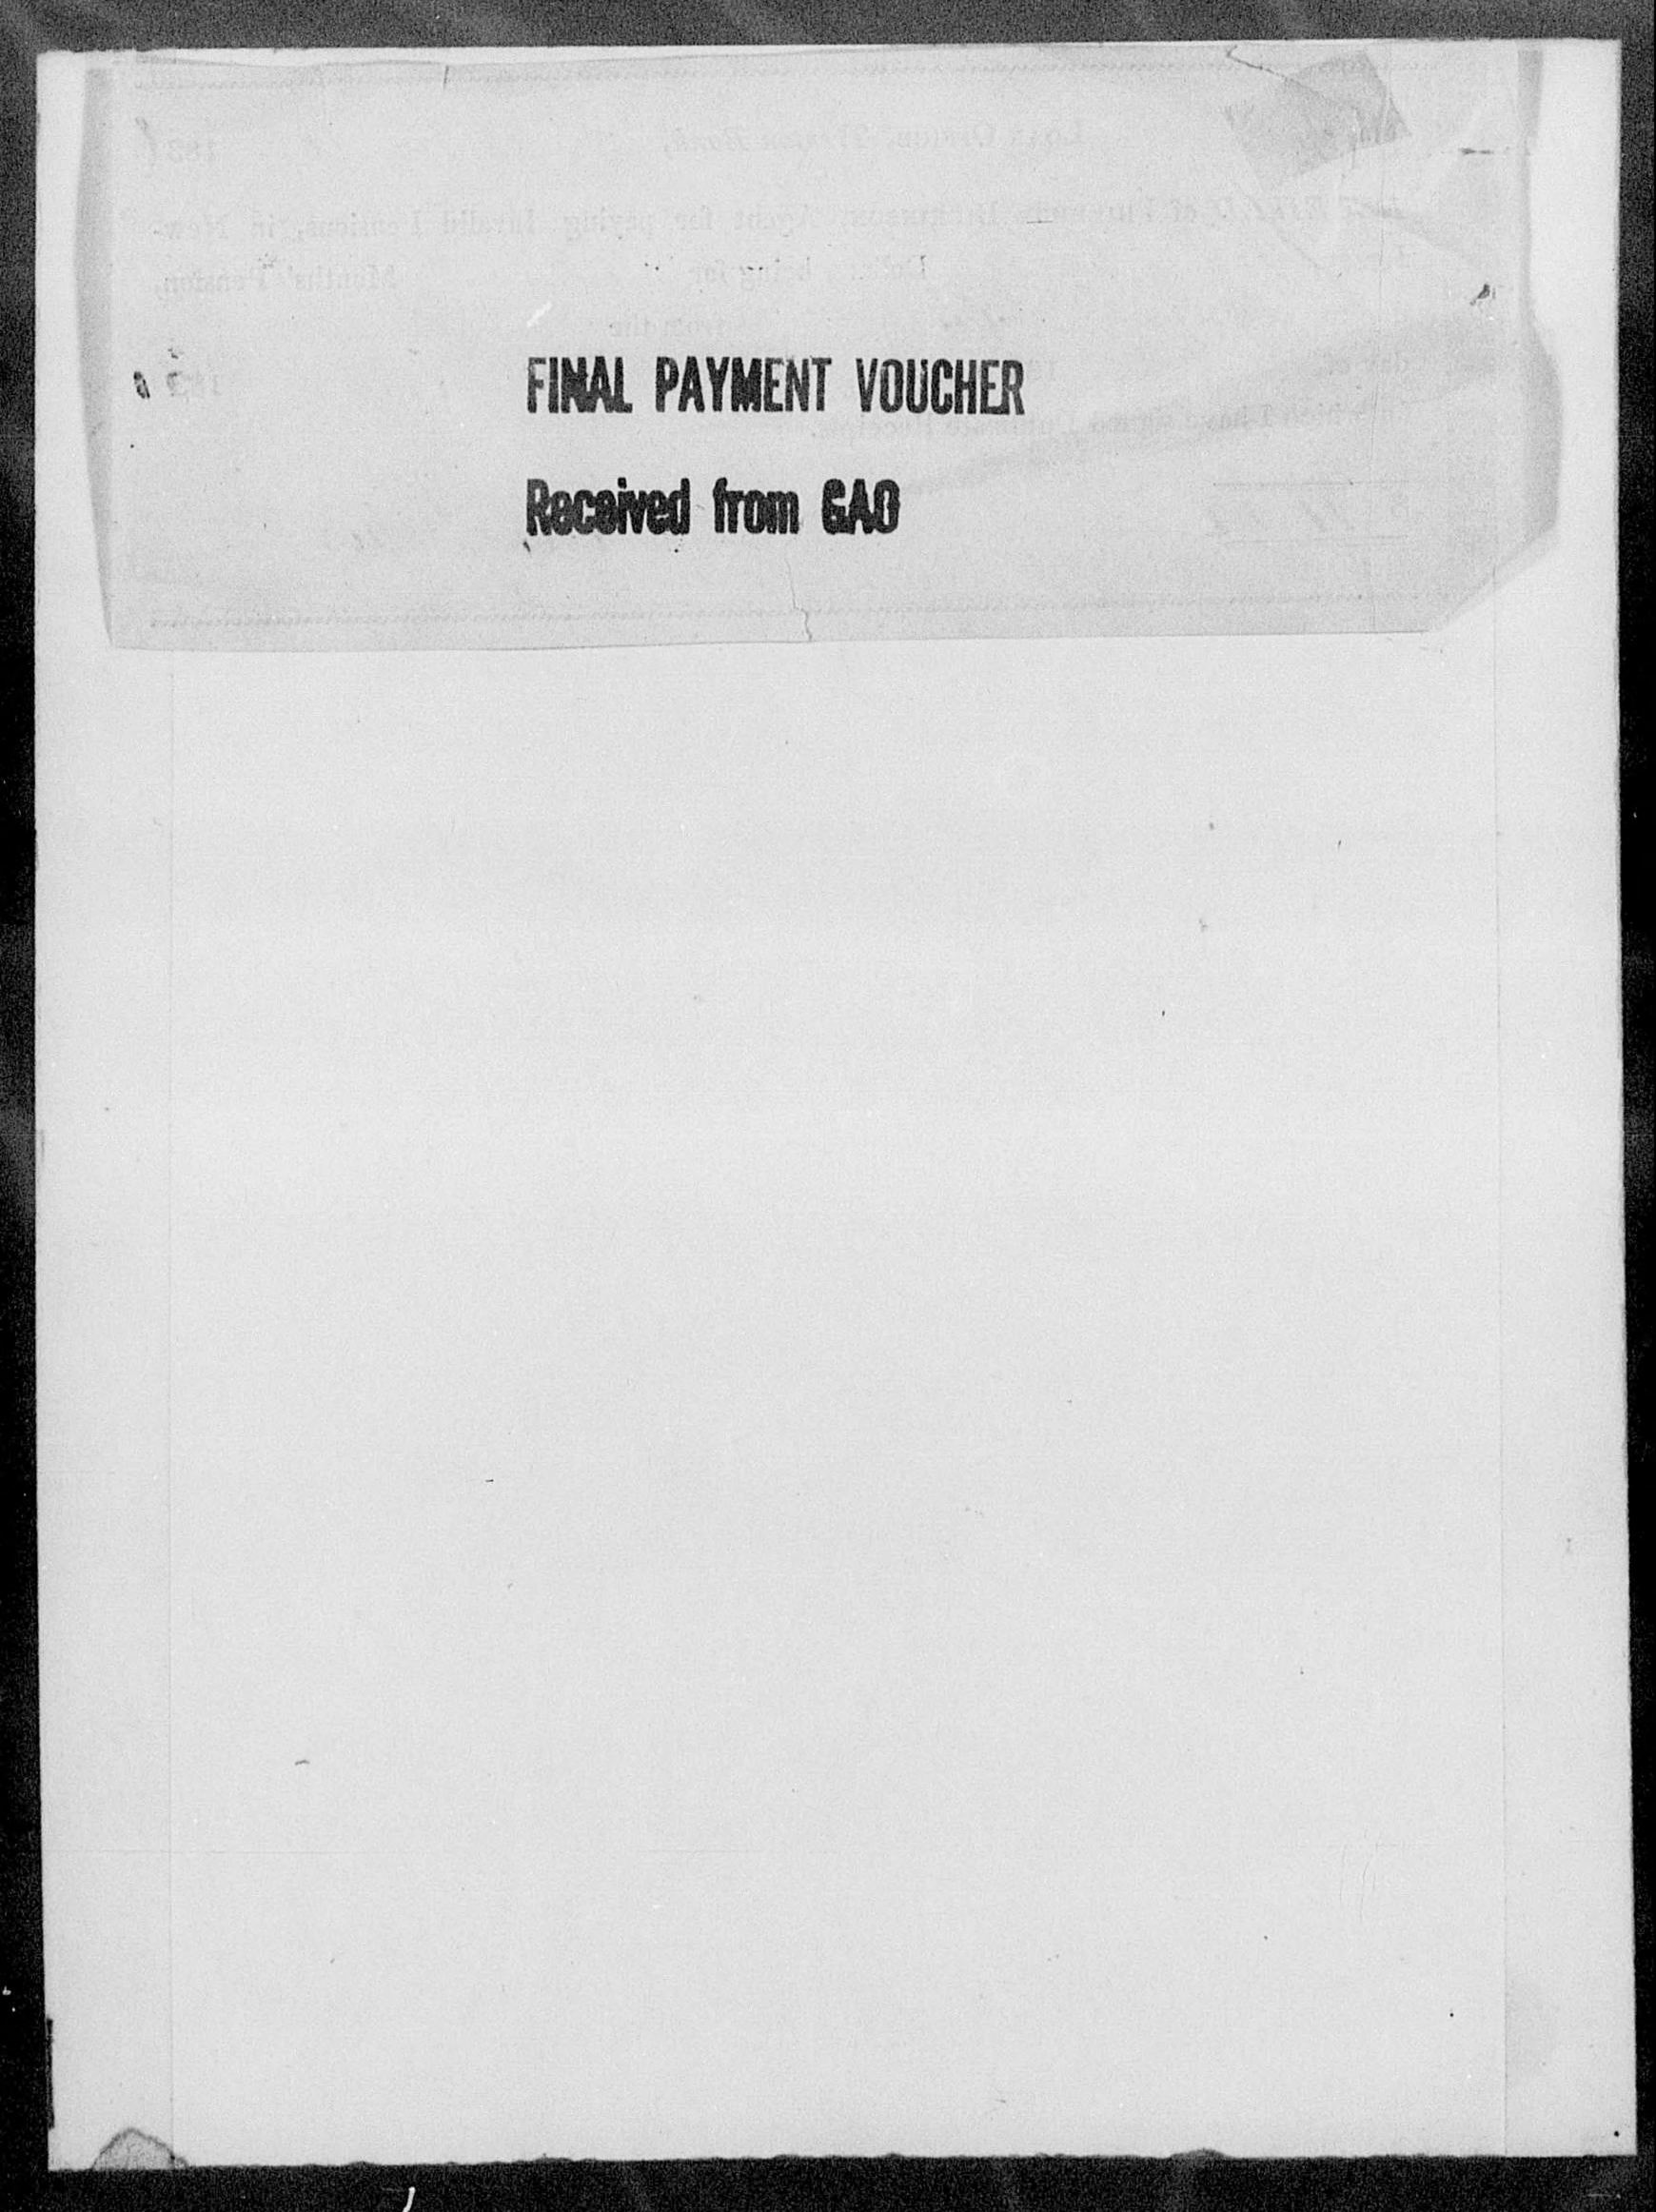FINAL PAYMENT VOUCHER
Received from GAO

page: 13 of 52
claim: survivor's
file: S. 34172, Morris D Camp, Continental (New Jersey)